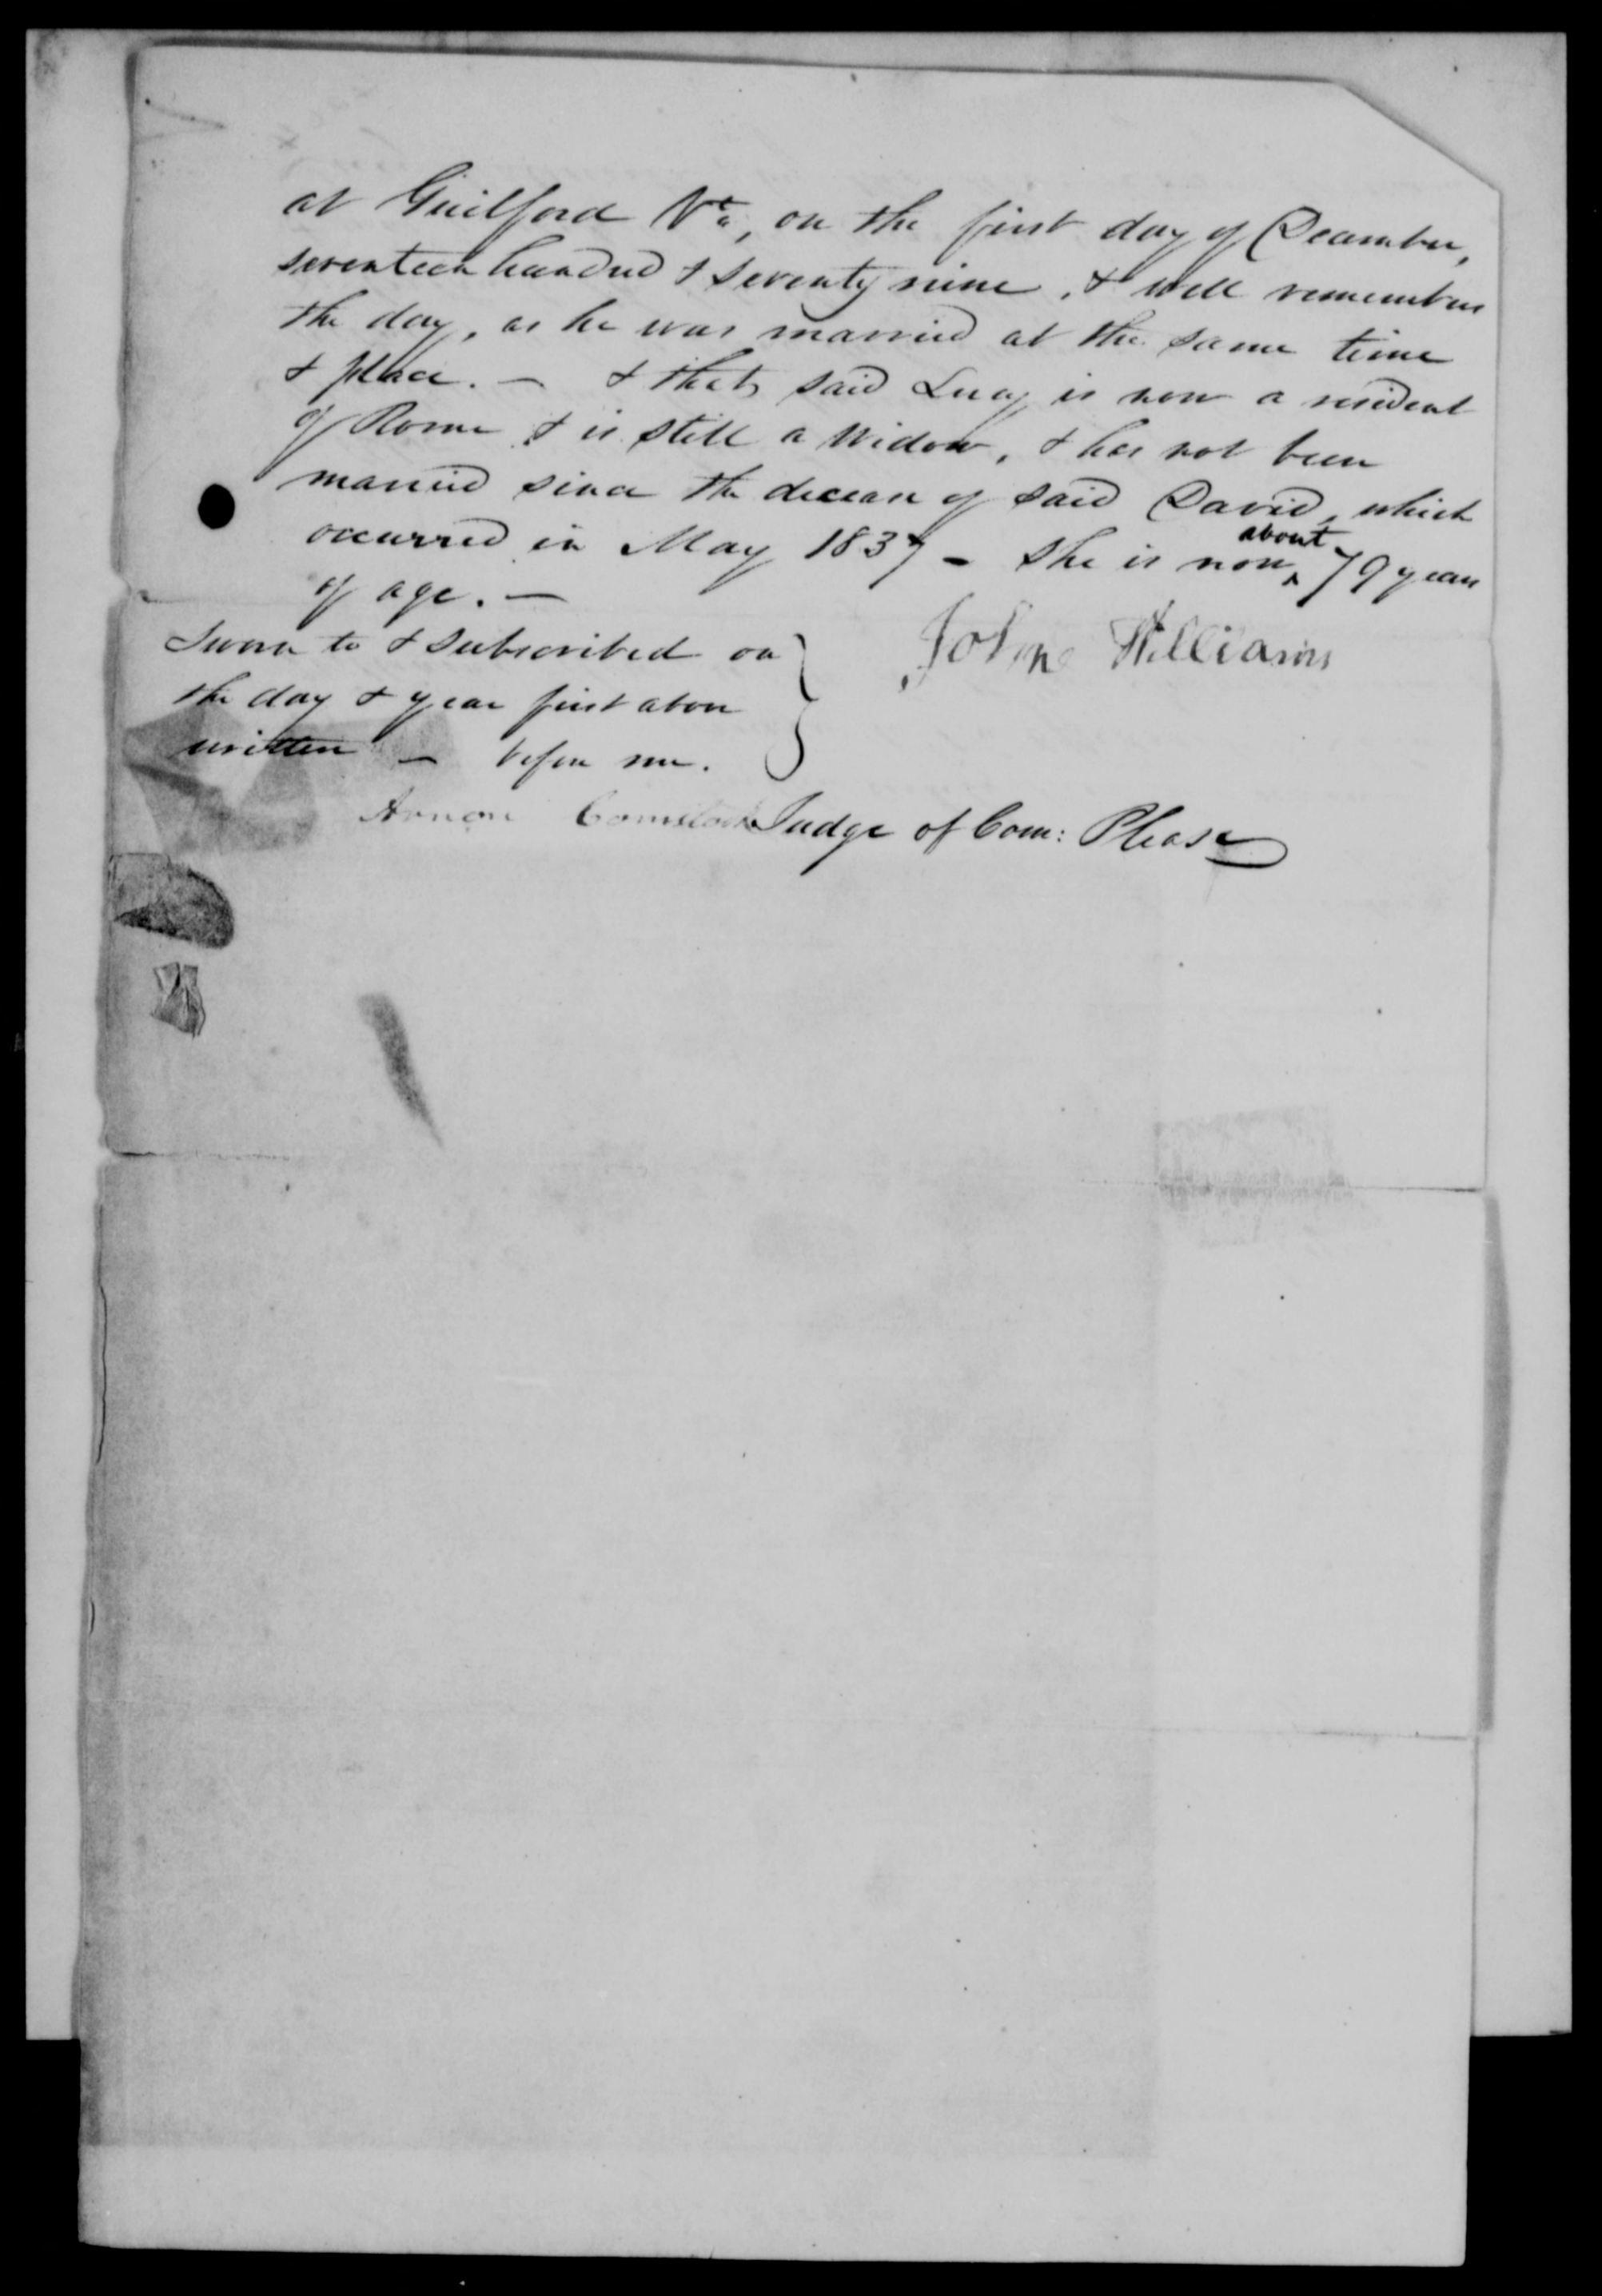At Guilford Vt. on the first day of December seventeen hundred & seventy nine I well remember the day as he was married at the same time & place & that said Lucy is now a resident of Rome & is still a widow. & has not been married since the decease of said David which occurred in May 1837. She is now about 79 years of age.  John Williams+
Sworn to & subscribed on the day & year first above written before me.
Aaron Comstock Judge of Conn Phase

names: Lucy, John Williams, Arnon Comstock, David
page: 20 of 63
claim: widow's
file: W. 22,632, David Williams, Conn. Continental Privateer